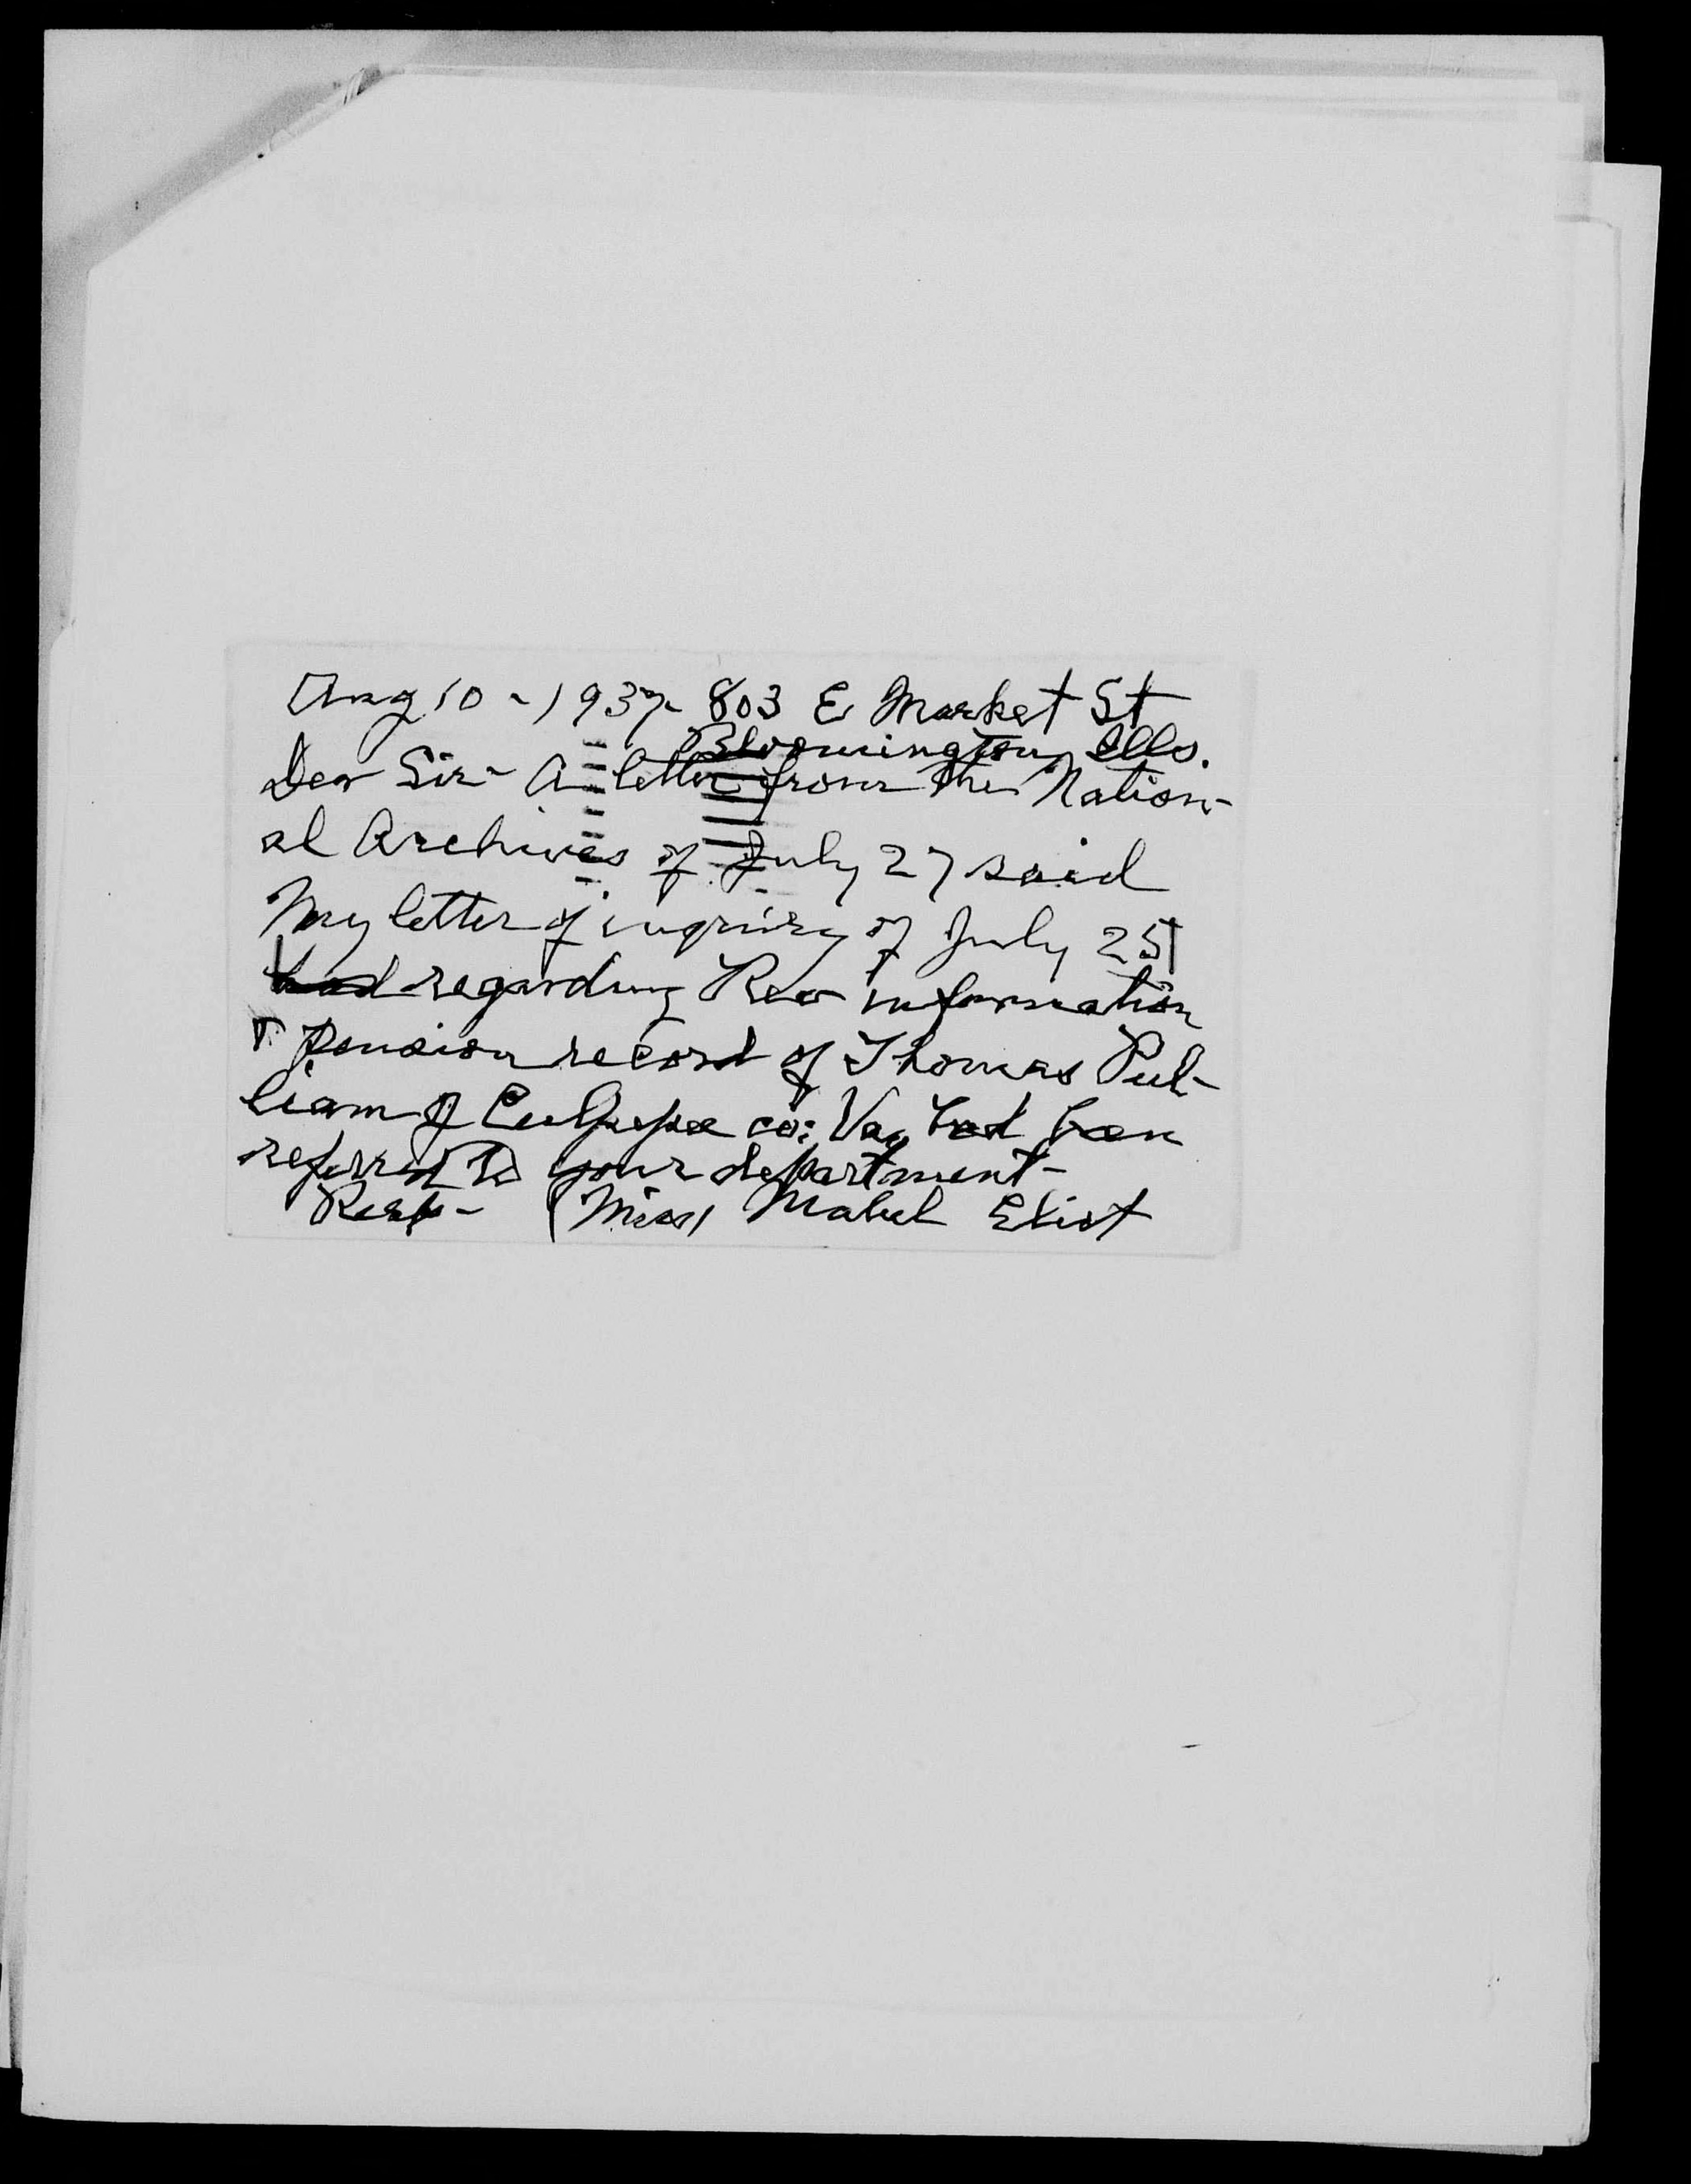Aug 10 - 1937 803 E Market St
Bloomington Ills.
Dear Sir - A letter from the National
Archives of July 27 said
my letter of enquiry of July 25
[crossed out: had] regarding Rev information
Pension record of Thomas Pulliam
Culpeper Co, Va had been
referred to your department-
Miss Mabel Elist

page: 16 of 27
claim: survivor's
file: S. 5,955, for Thomas Pulliam, Virginia